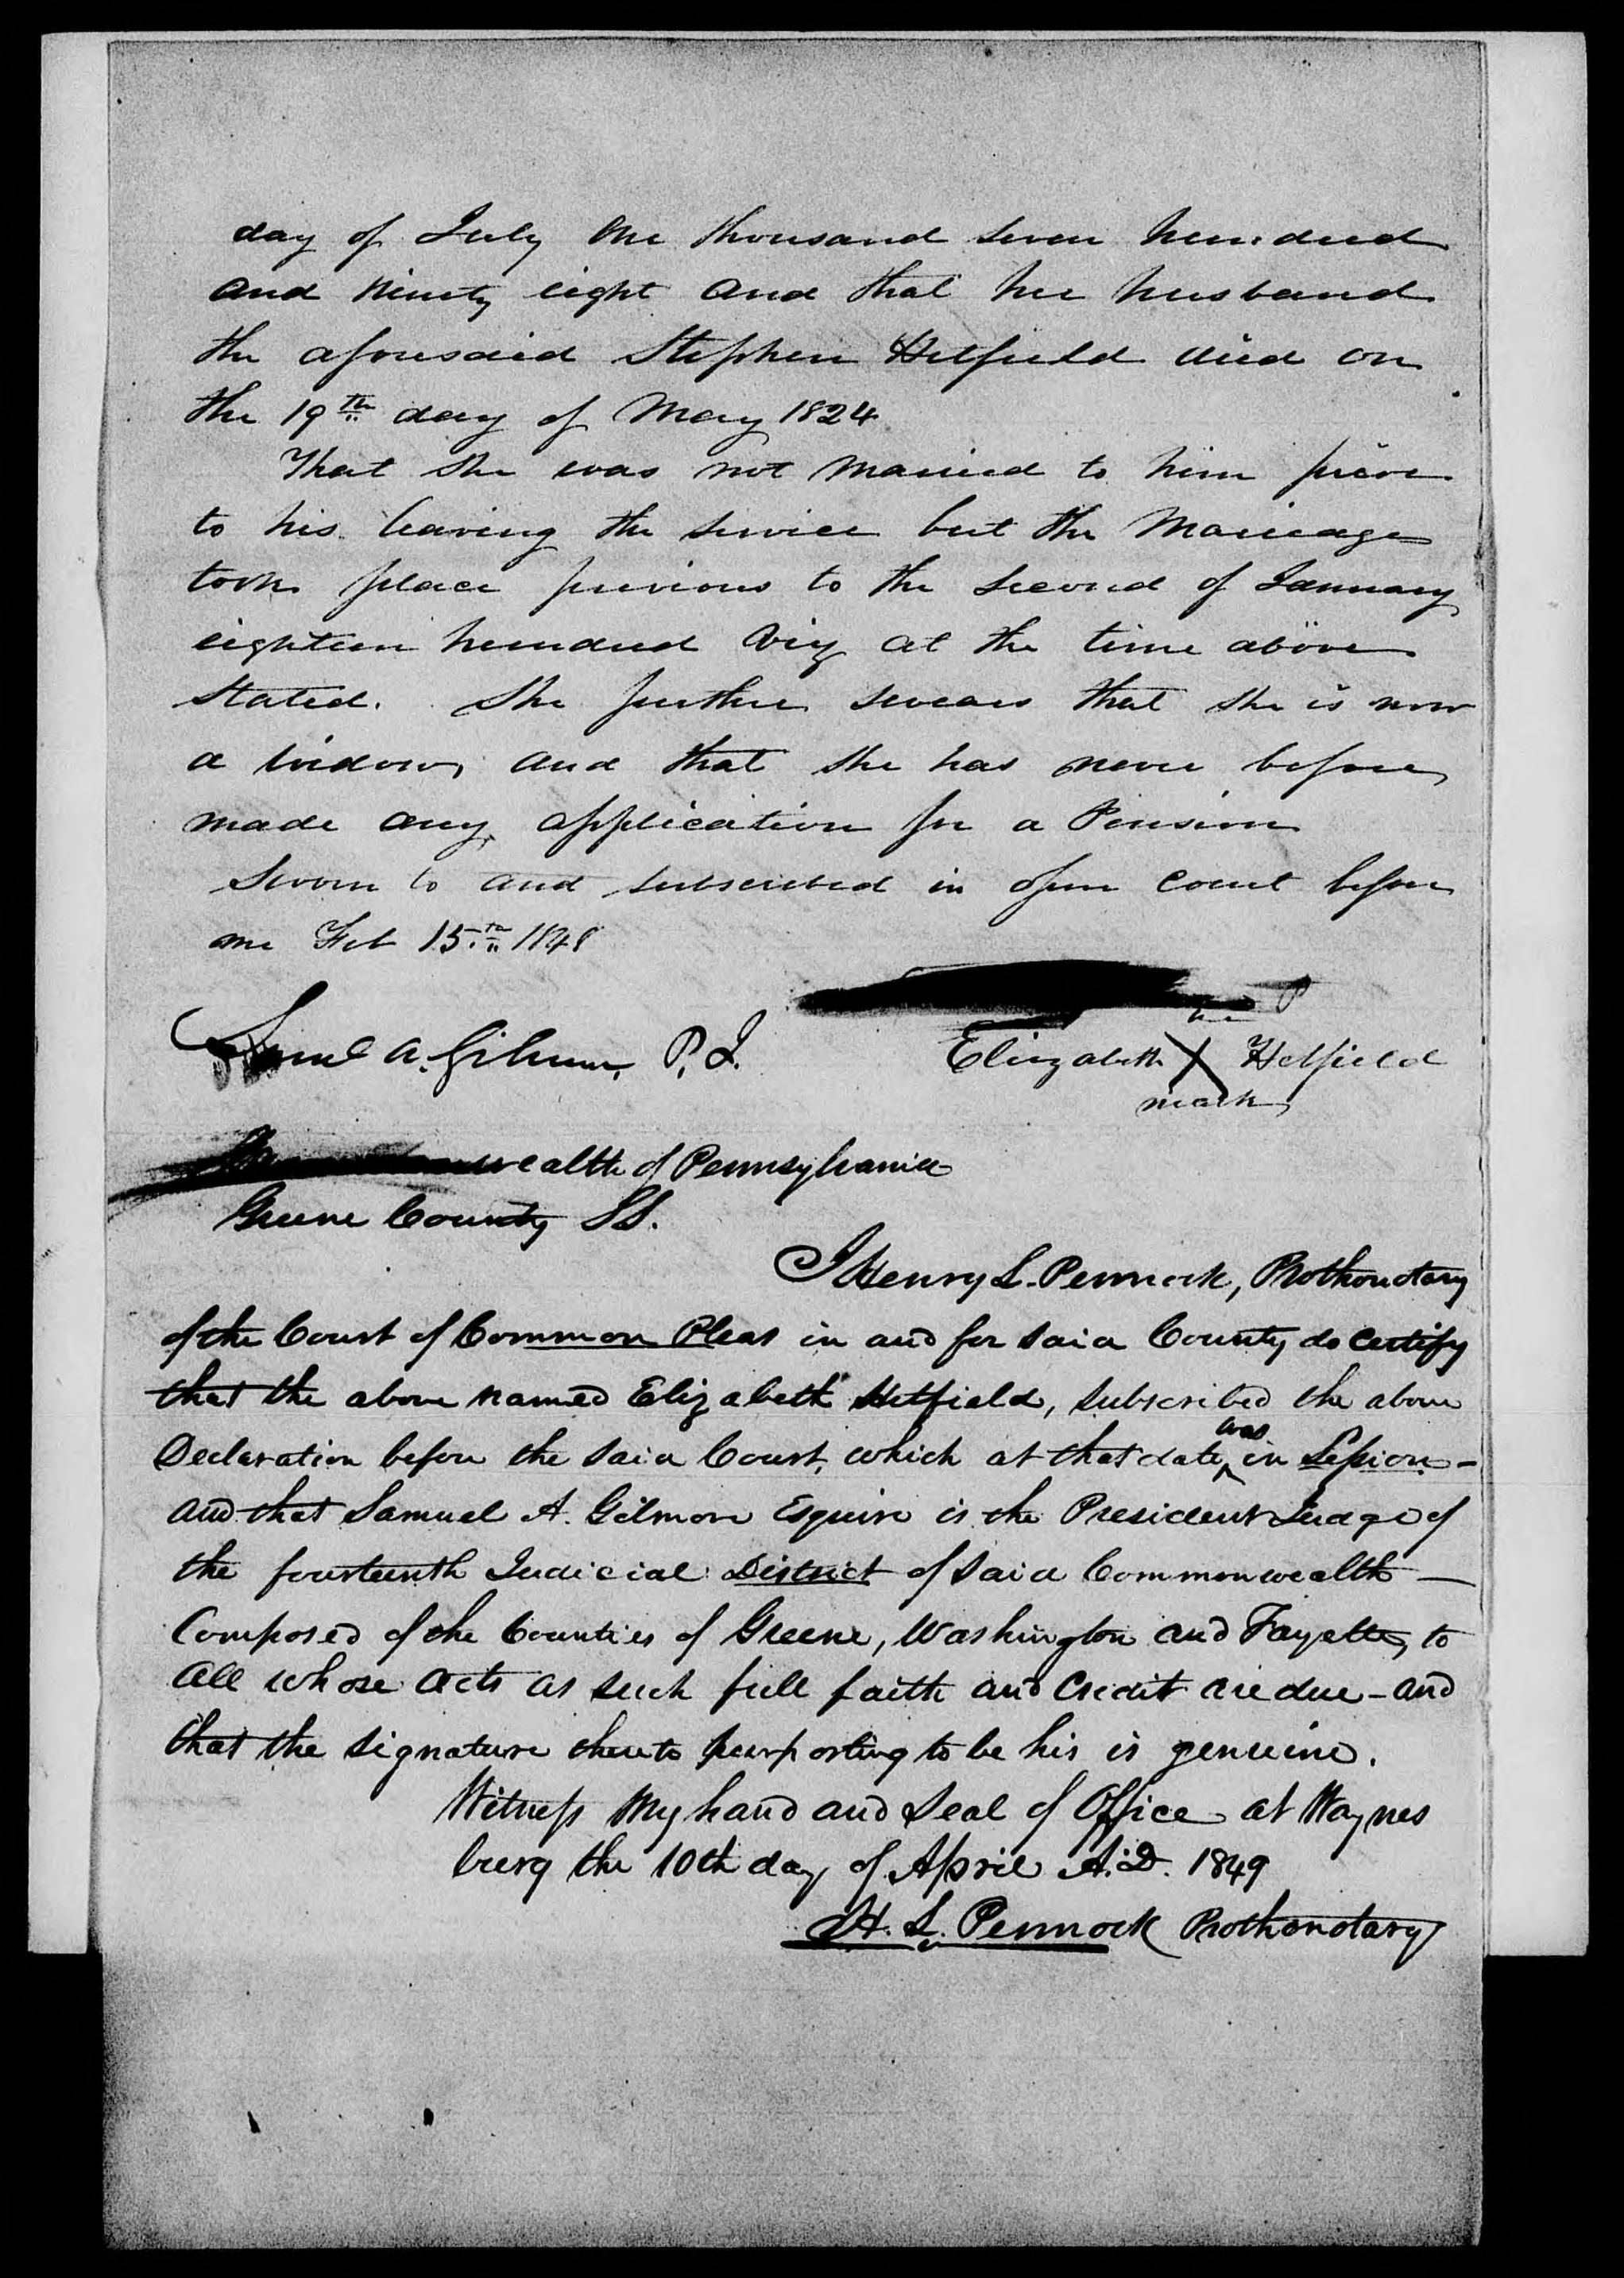day of July one thousand seven hundred
and ninety eight and that her husband
the aforesaid Stephen Hetfield died on
the 19th day of May 1824
That she was not married to him prior
to his leaving the service but the marriage
took place previous to the second of January
eighteen hundred viz at the time above
stated. She further swears that she is now
a widow and that she has never before
made any application for a Pension

Sworn to and subscribed in open court before
me Feb 15.th 1848

Saml A Gilmore P.J. [Presiding Judge]

[There is a line above Elizabeth's name that is blacked out.]
Elizabeth Hetfield
X her mark

[The first part of the word is blacked out. It's probably "Common"] 
wealth of Pennsylvania
Greene County SS

I Henry L. Pennock, Prothonotary
of the Court of Common Pleas in and for said County do certify
that the above named Elizabeth Hetfield subscribed the above
Declaration before the said Court which at that date was in Session-
and that Samuel A. Gilmore Esquire is the President Judge of
the fourteenth Judicial District of said Commonwealth -
composed of the Counties of Greene, Washington and Fayette to
all whose acts as such full faith and credit are due - and
that the signature thereto purporting to be his is genuine.

Witness my hand and Seal of Office at Waynesburg
the 10th day of April A.D. 1849

H. L. Pennock  Prothonotary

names: Saml A Gilmore, Elizabeth Helfield, Samuel A Gilmore, Elizabeth Hetfield, H L Pennock, Stephen Hetfield, Henry L Pennock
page: 15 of 45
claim: widow's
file: W. 2734, Stephen Hetfield, New Jersey